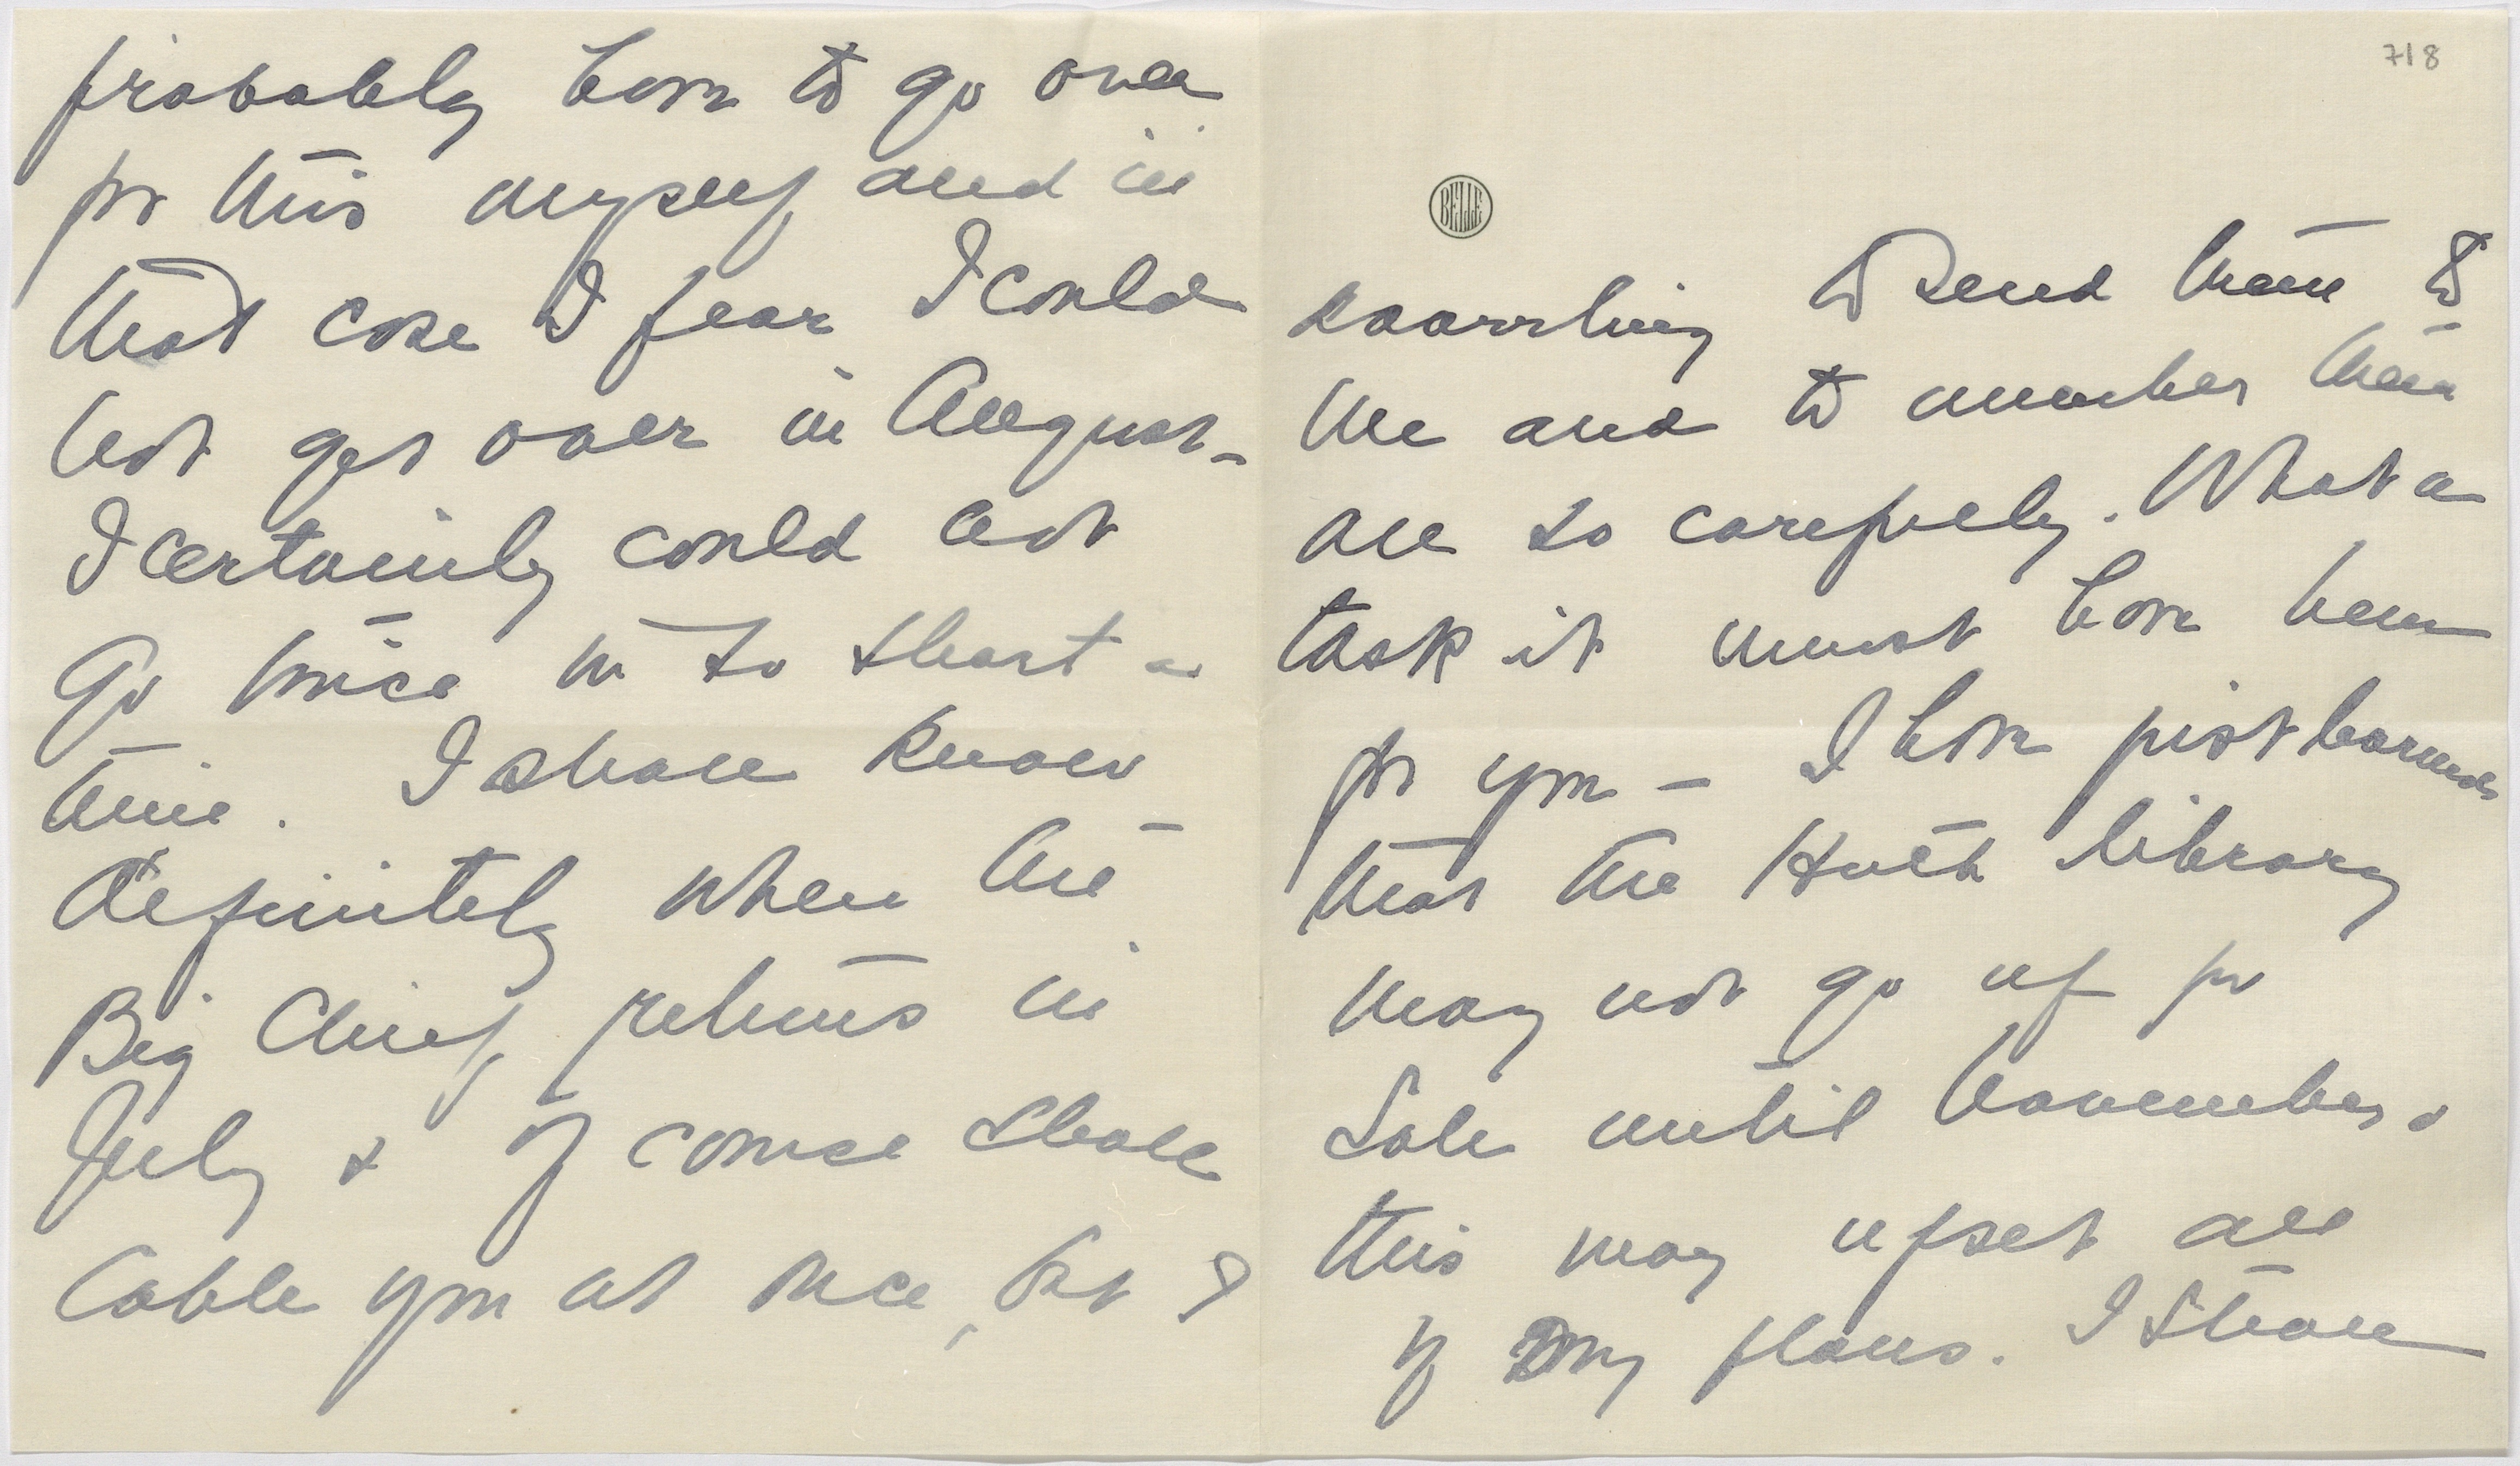daarrling to send them to me and to number them all so carefully. What a task it must have been for you – I have just learned that the Huth library may not go up for sale until November & this may upset all of my plans. I shall
probably have to go over for this myself and in that case I fear I could not get over in August – I certainly could not go twice in so short a time. I shall know definitely when the Big Chief returns in July & of course shall cable you at once, but I